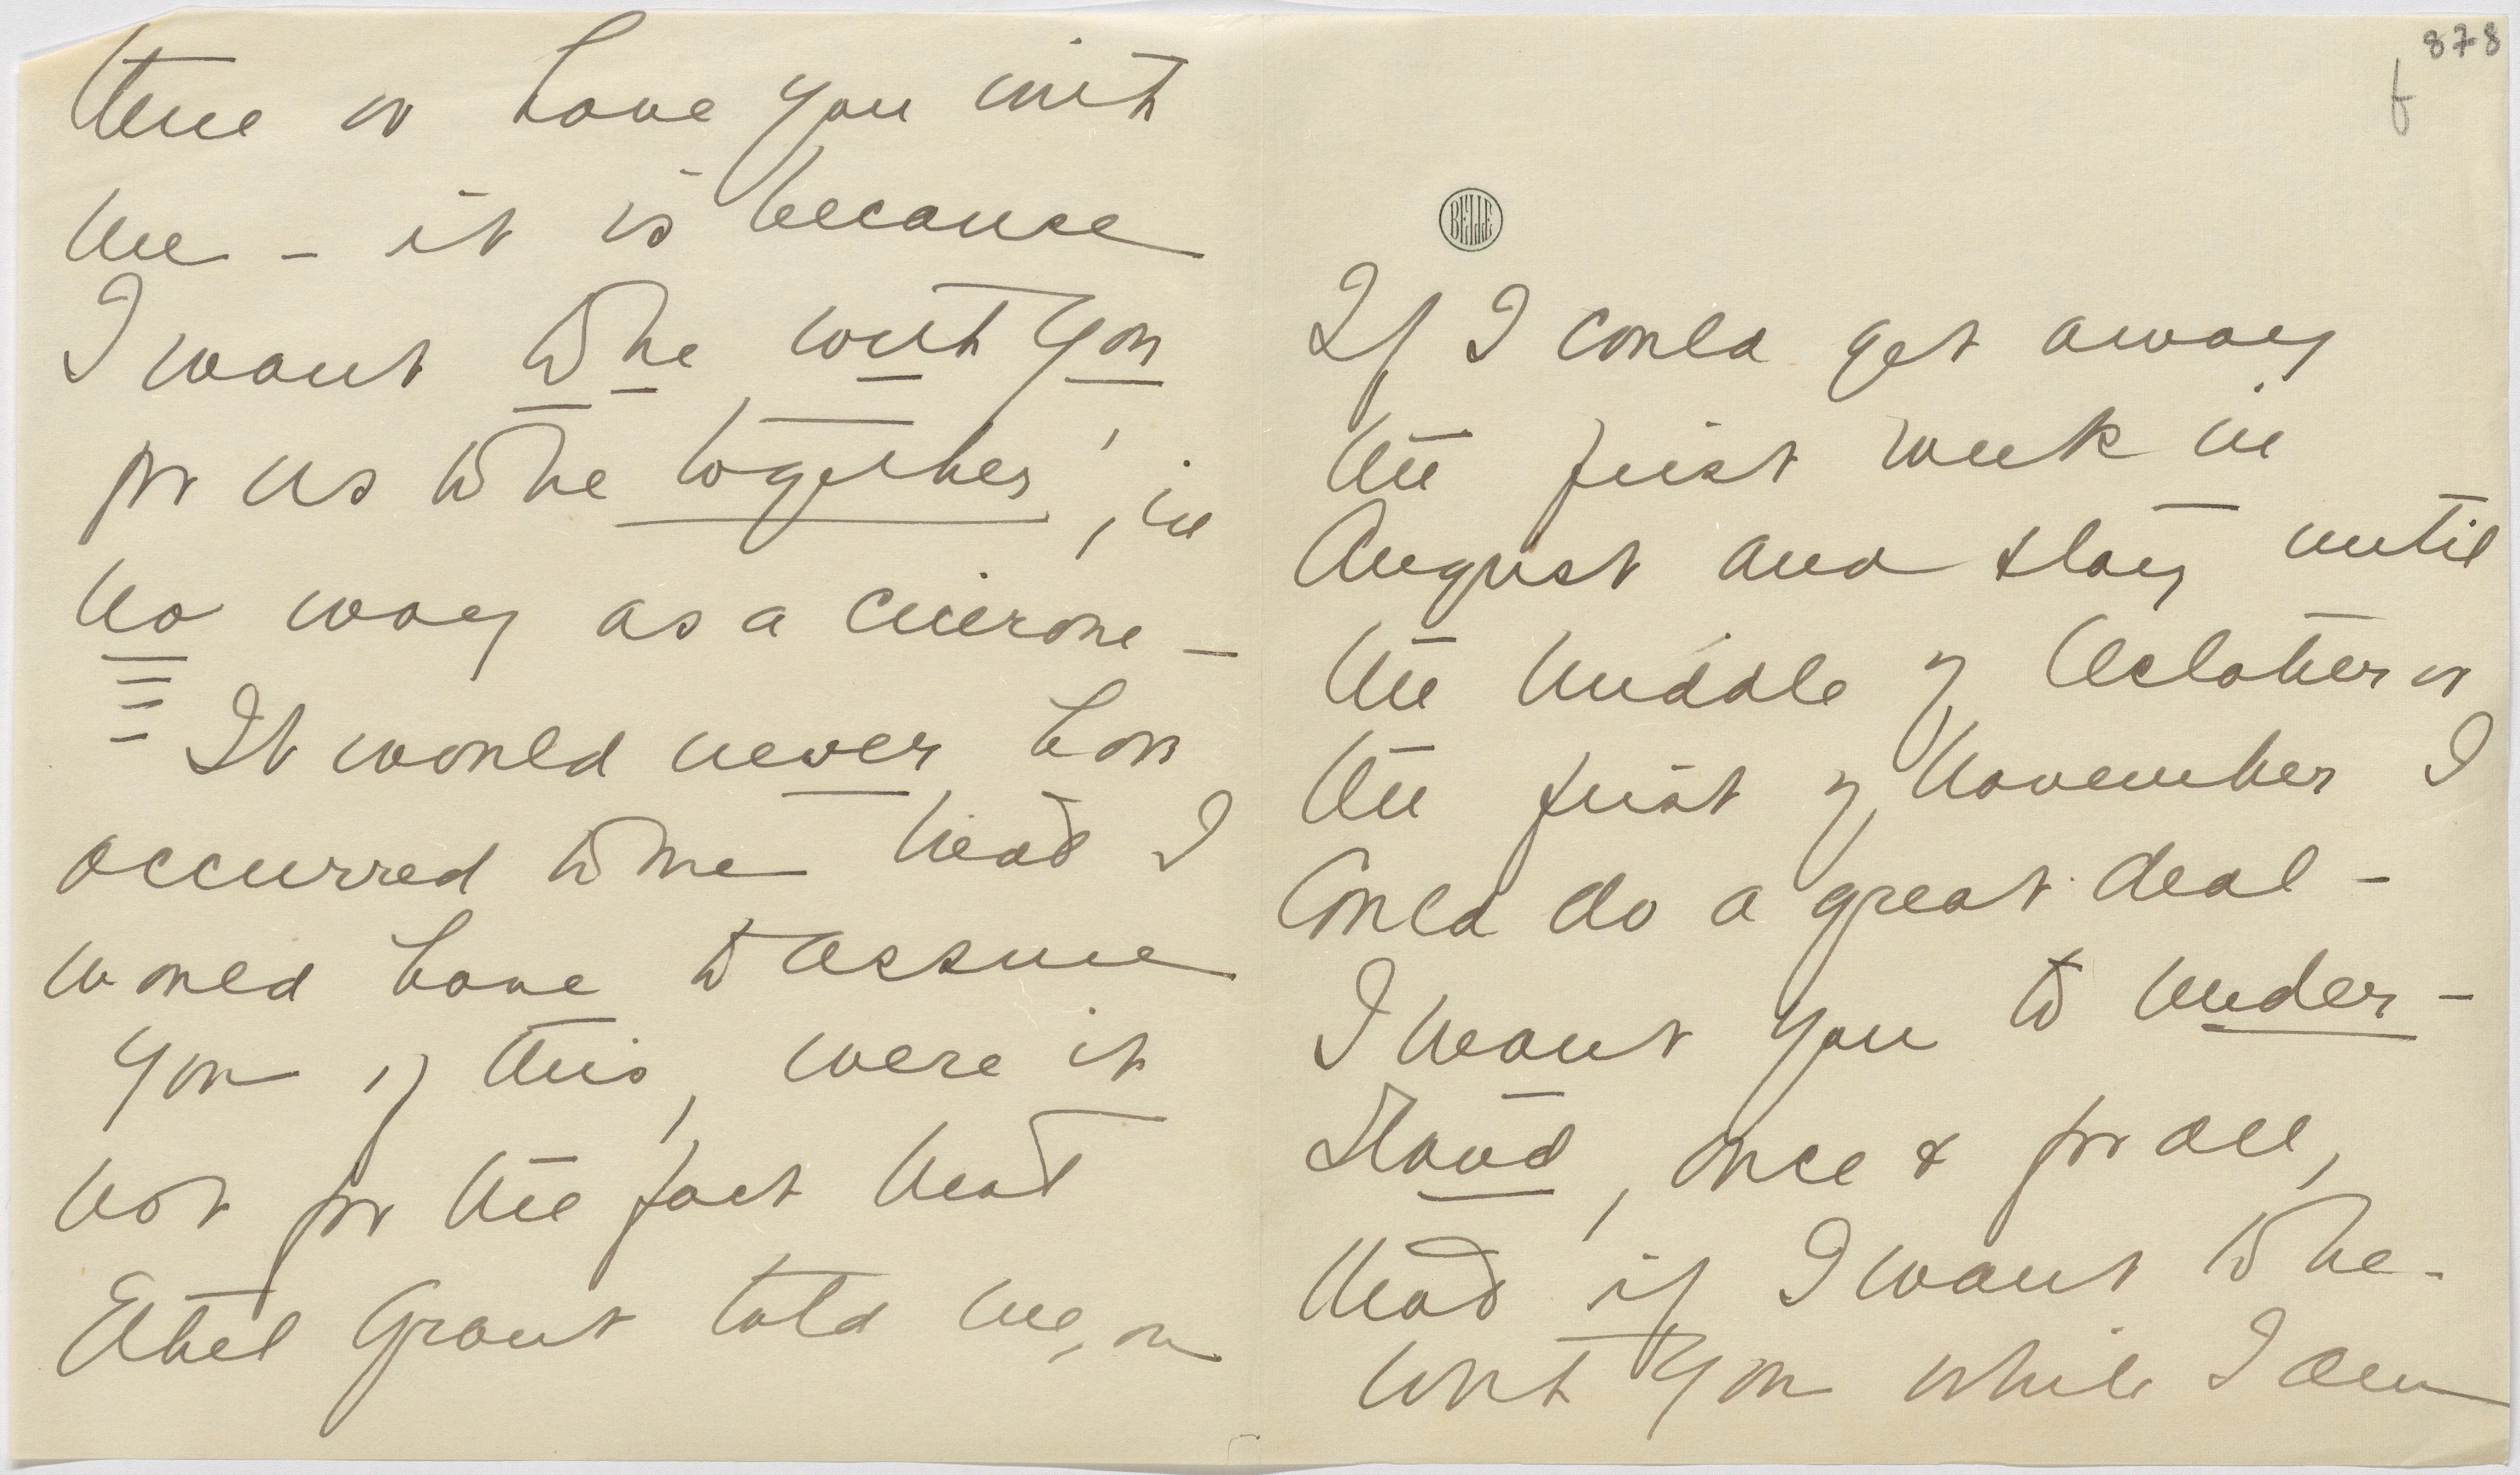If I could get away the first week in August and stay until the middle of October or the first of November I could do a great deal – I want you to understand, once & for all, that if I want to be with you while I am
there or have you with me – it is because I want to be with you for us to be together, in [quadruple underlined: no] way as a cicerone – It would never have occurred to me that I would have to assure you of this, were it not for the fact that Ethel Grant told me, on